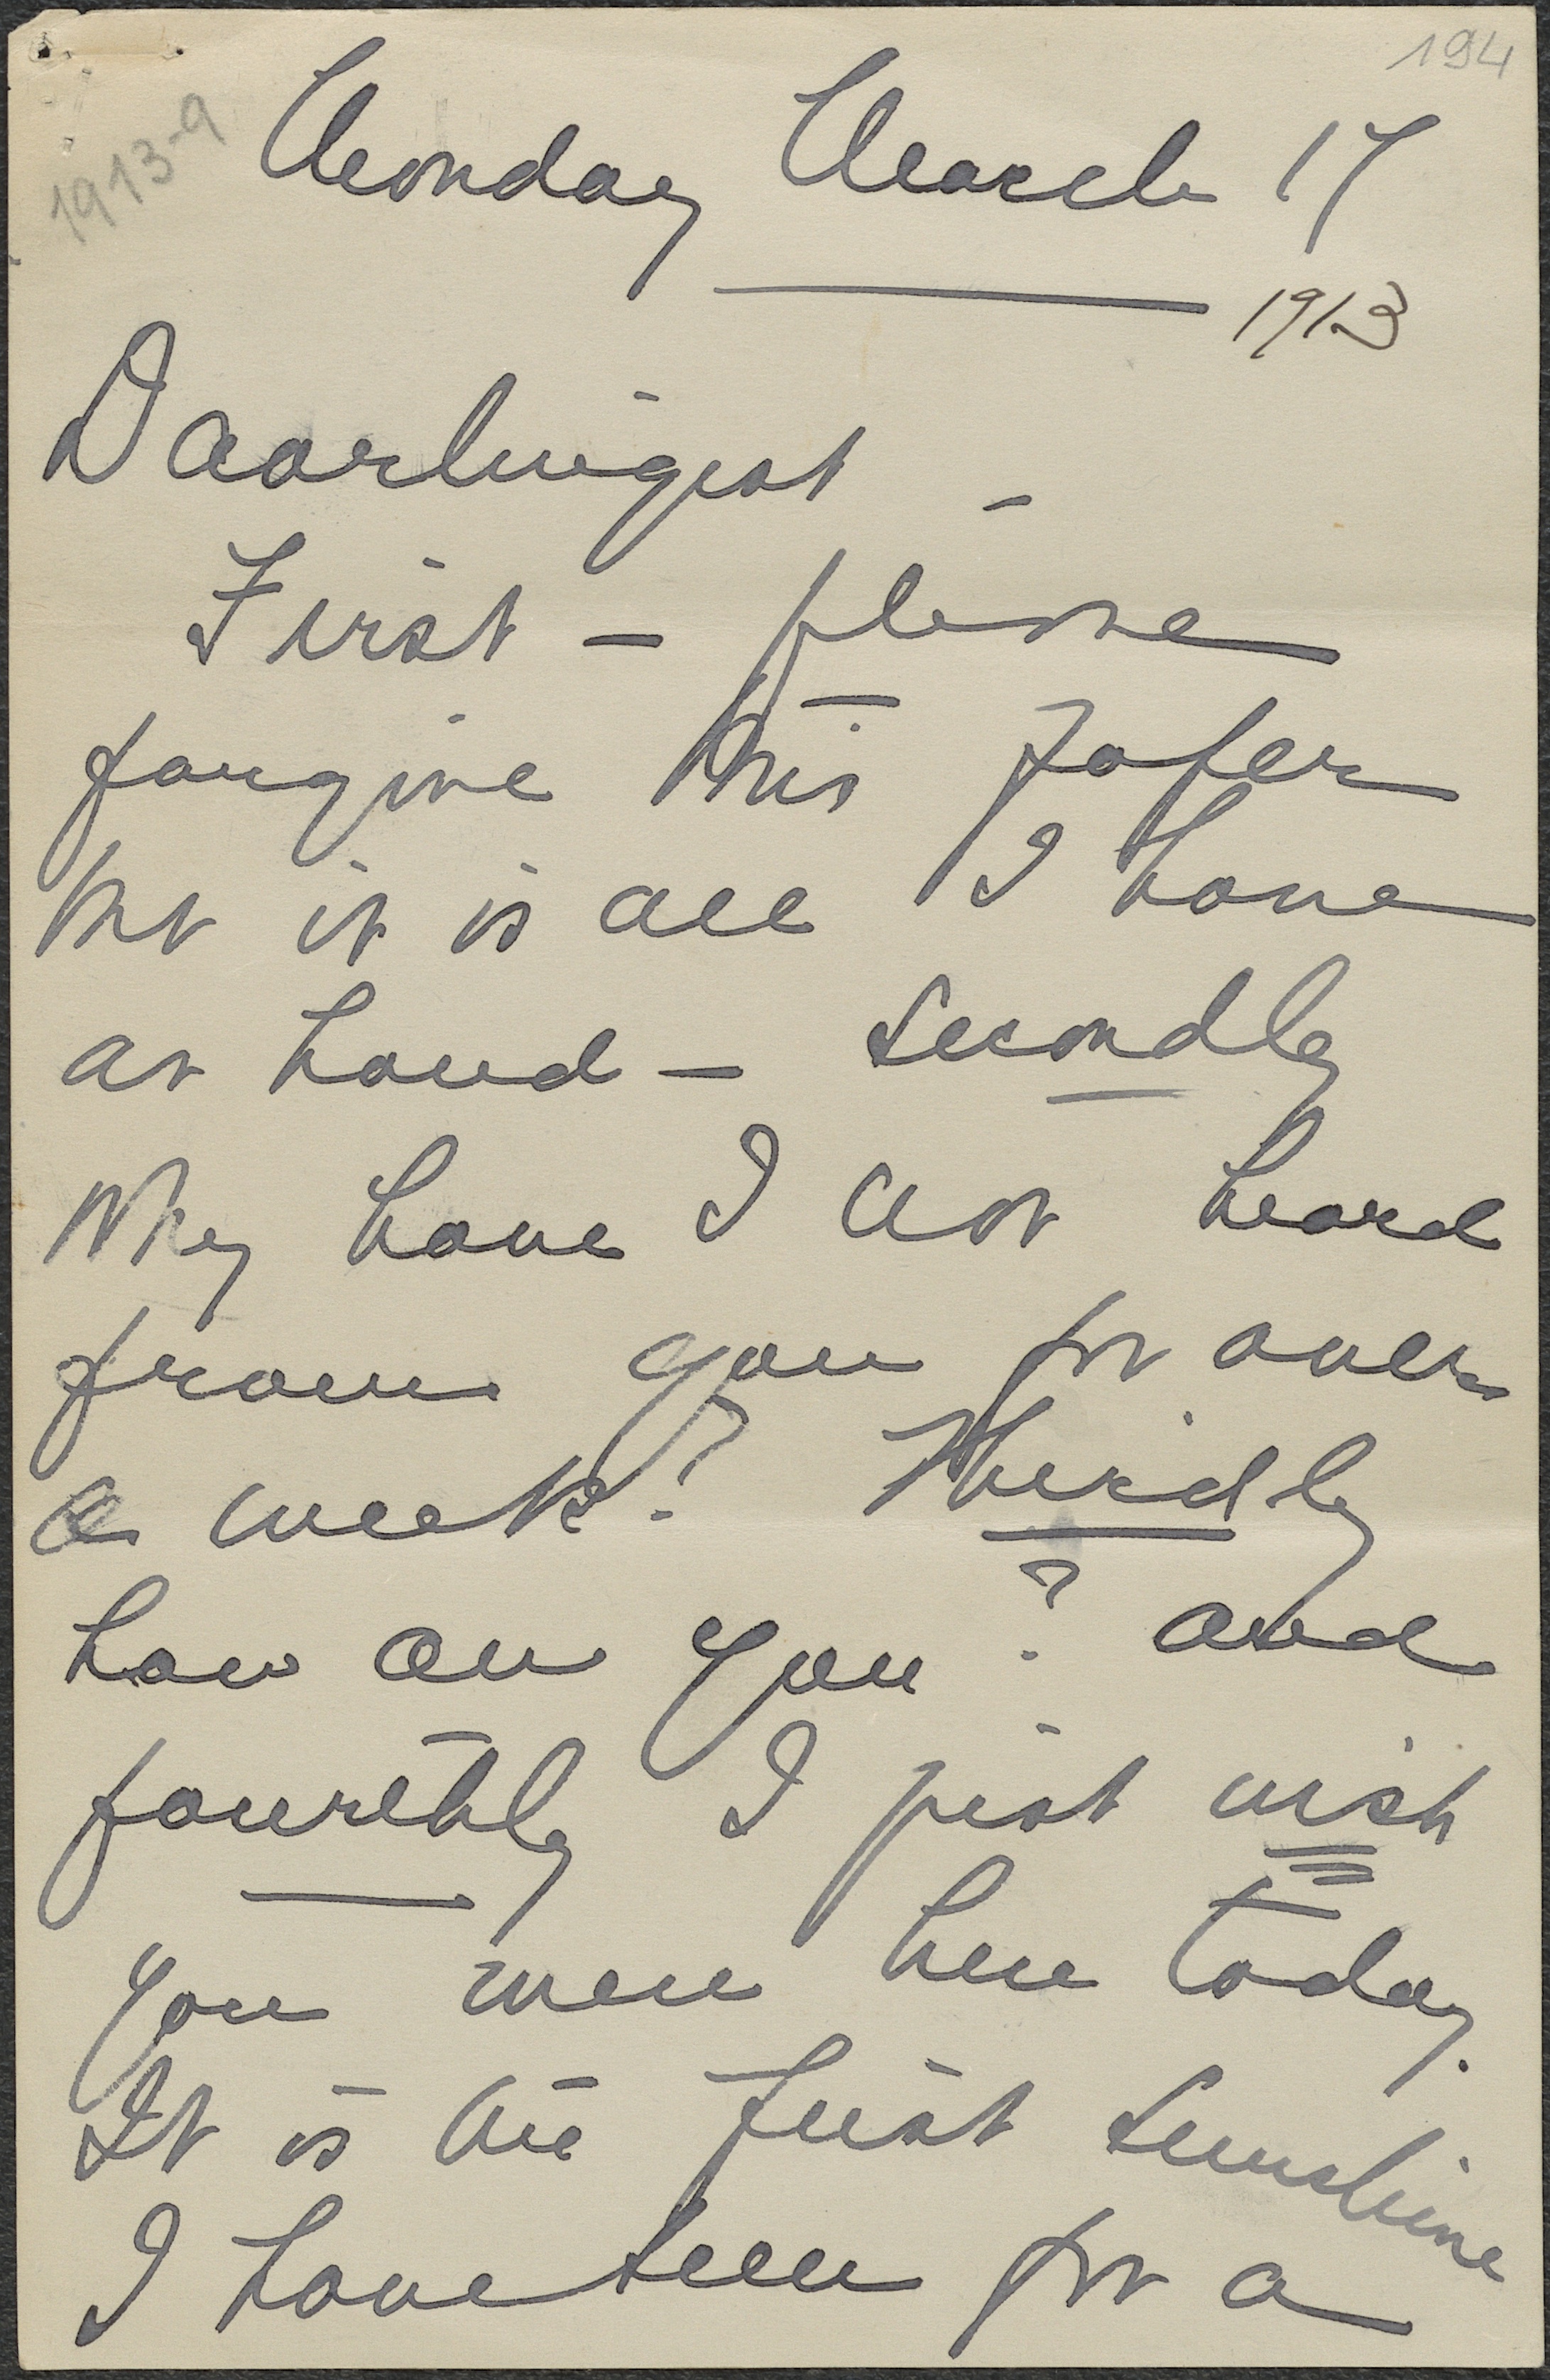Monday, March 17, 1913
Daarlingest –
First – please forgive this paper but it is all I have at hand – secondly why have I not heard from you for over a week? Thirdly how are you? and fourthly I just [triple underlined: wish] you were here today. It is the first sunshine I have seen for a